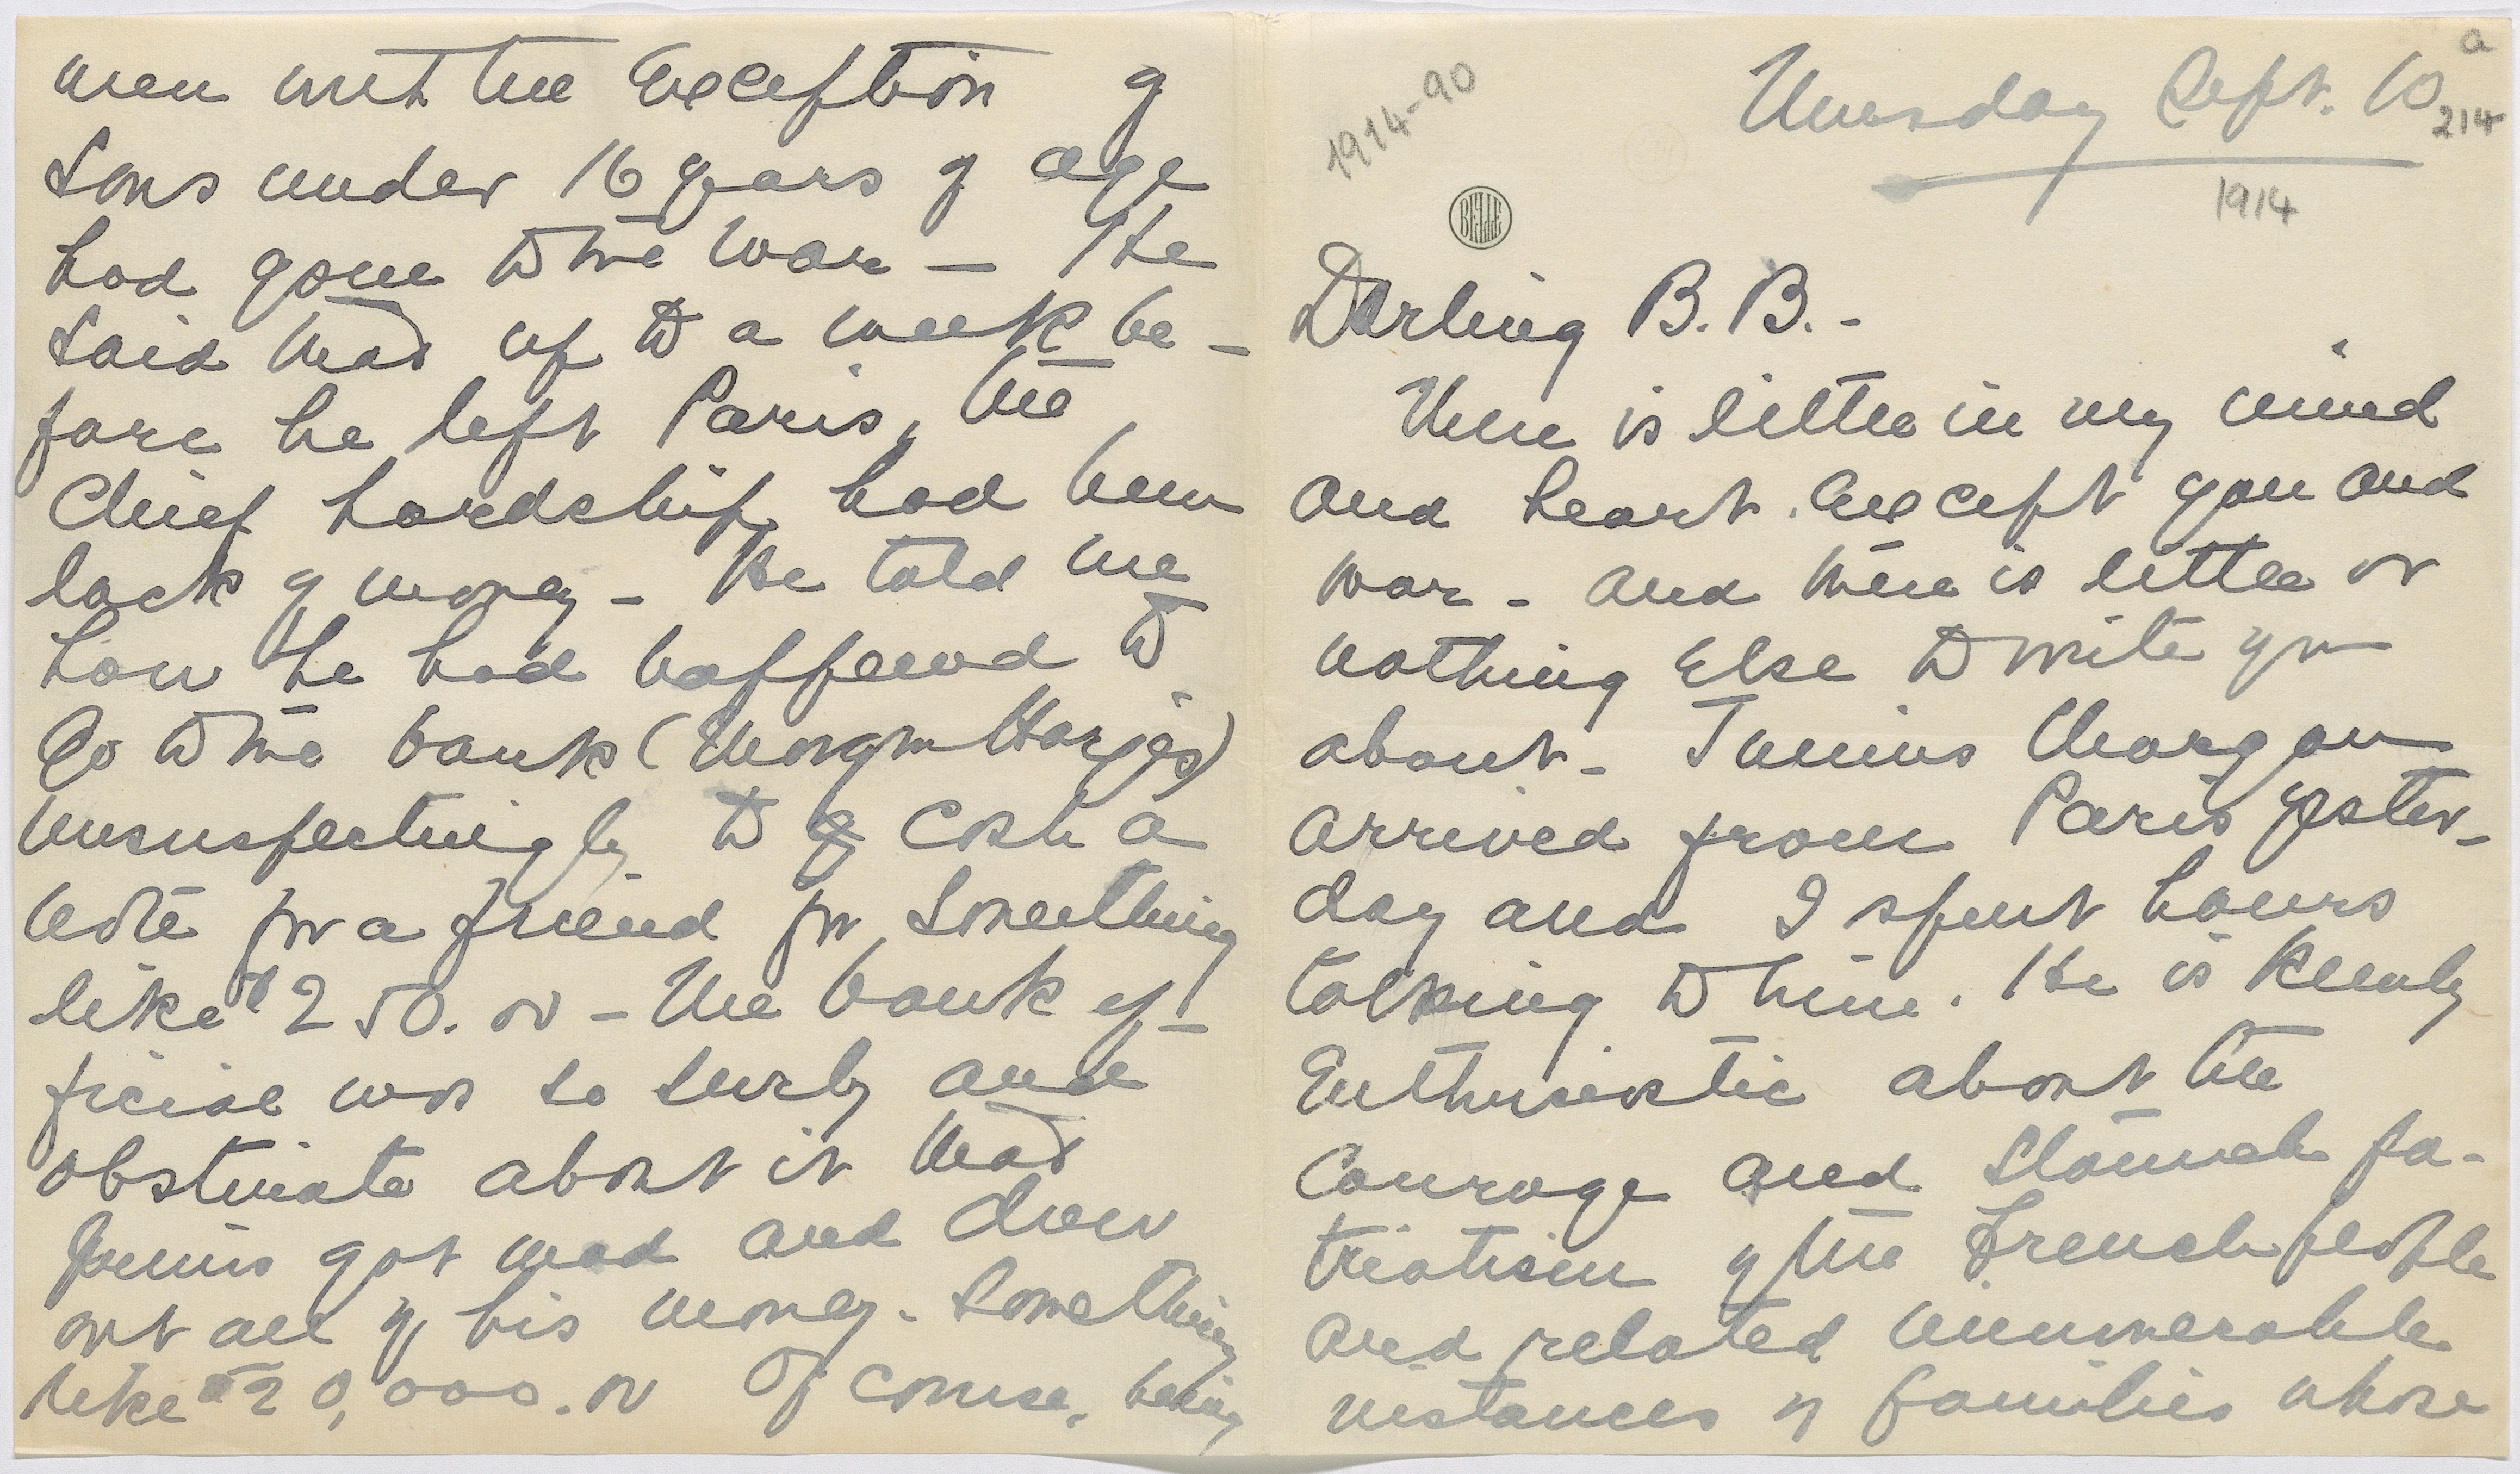Thursday Sept. 10
Darling B.B. –
There is little in my mind and heart except you and war – and there is little or nothing else to write you about – Junius Morgan arrived from Paris yesterday and I spent hours talking to him. He is keenly enthusiastic about the courage and staunch patriotism of the French people and related innumerable instances of families whose
men with the exception of sons under 16 years of age had gone to the war – He said that up to a week before he left Paris, the chief hardship had been lack of money – He told me how he had happened to go to the bank (Morgan Harjes) unsuspectingly to go cash a note for a friend for something like $250.00 – the bank official was so surly and obstinate about it that Junius got mad and drew out all of his money – something like $20,000.00 Of course, being